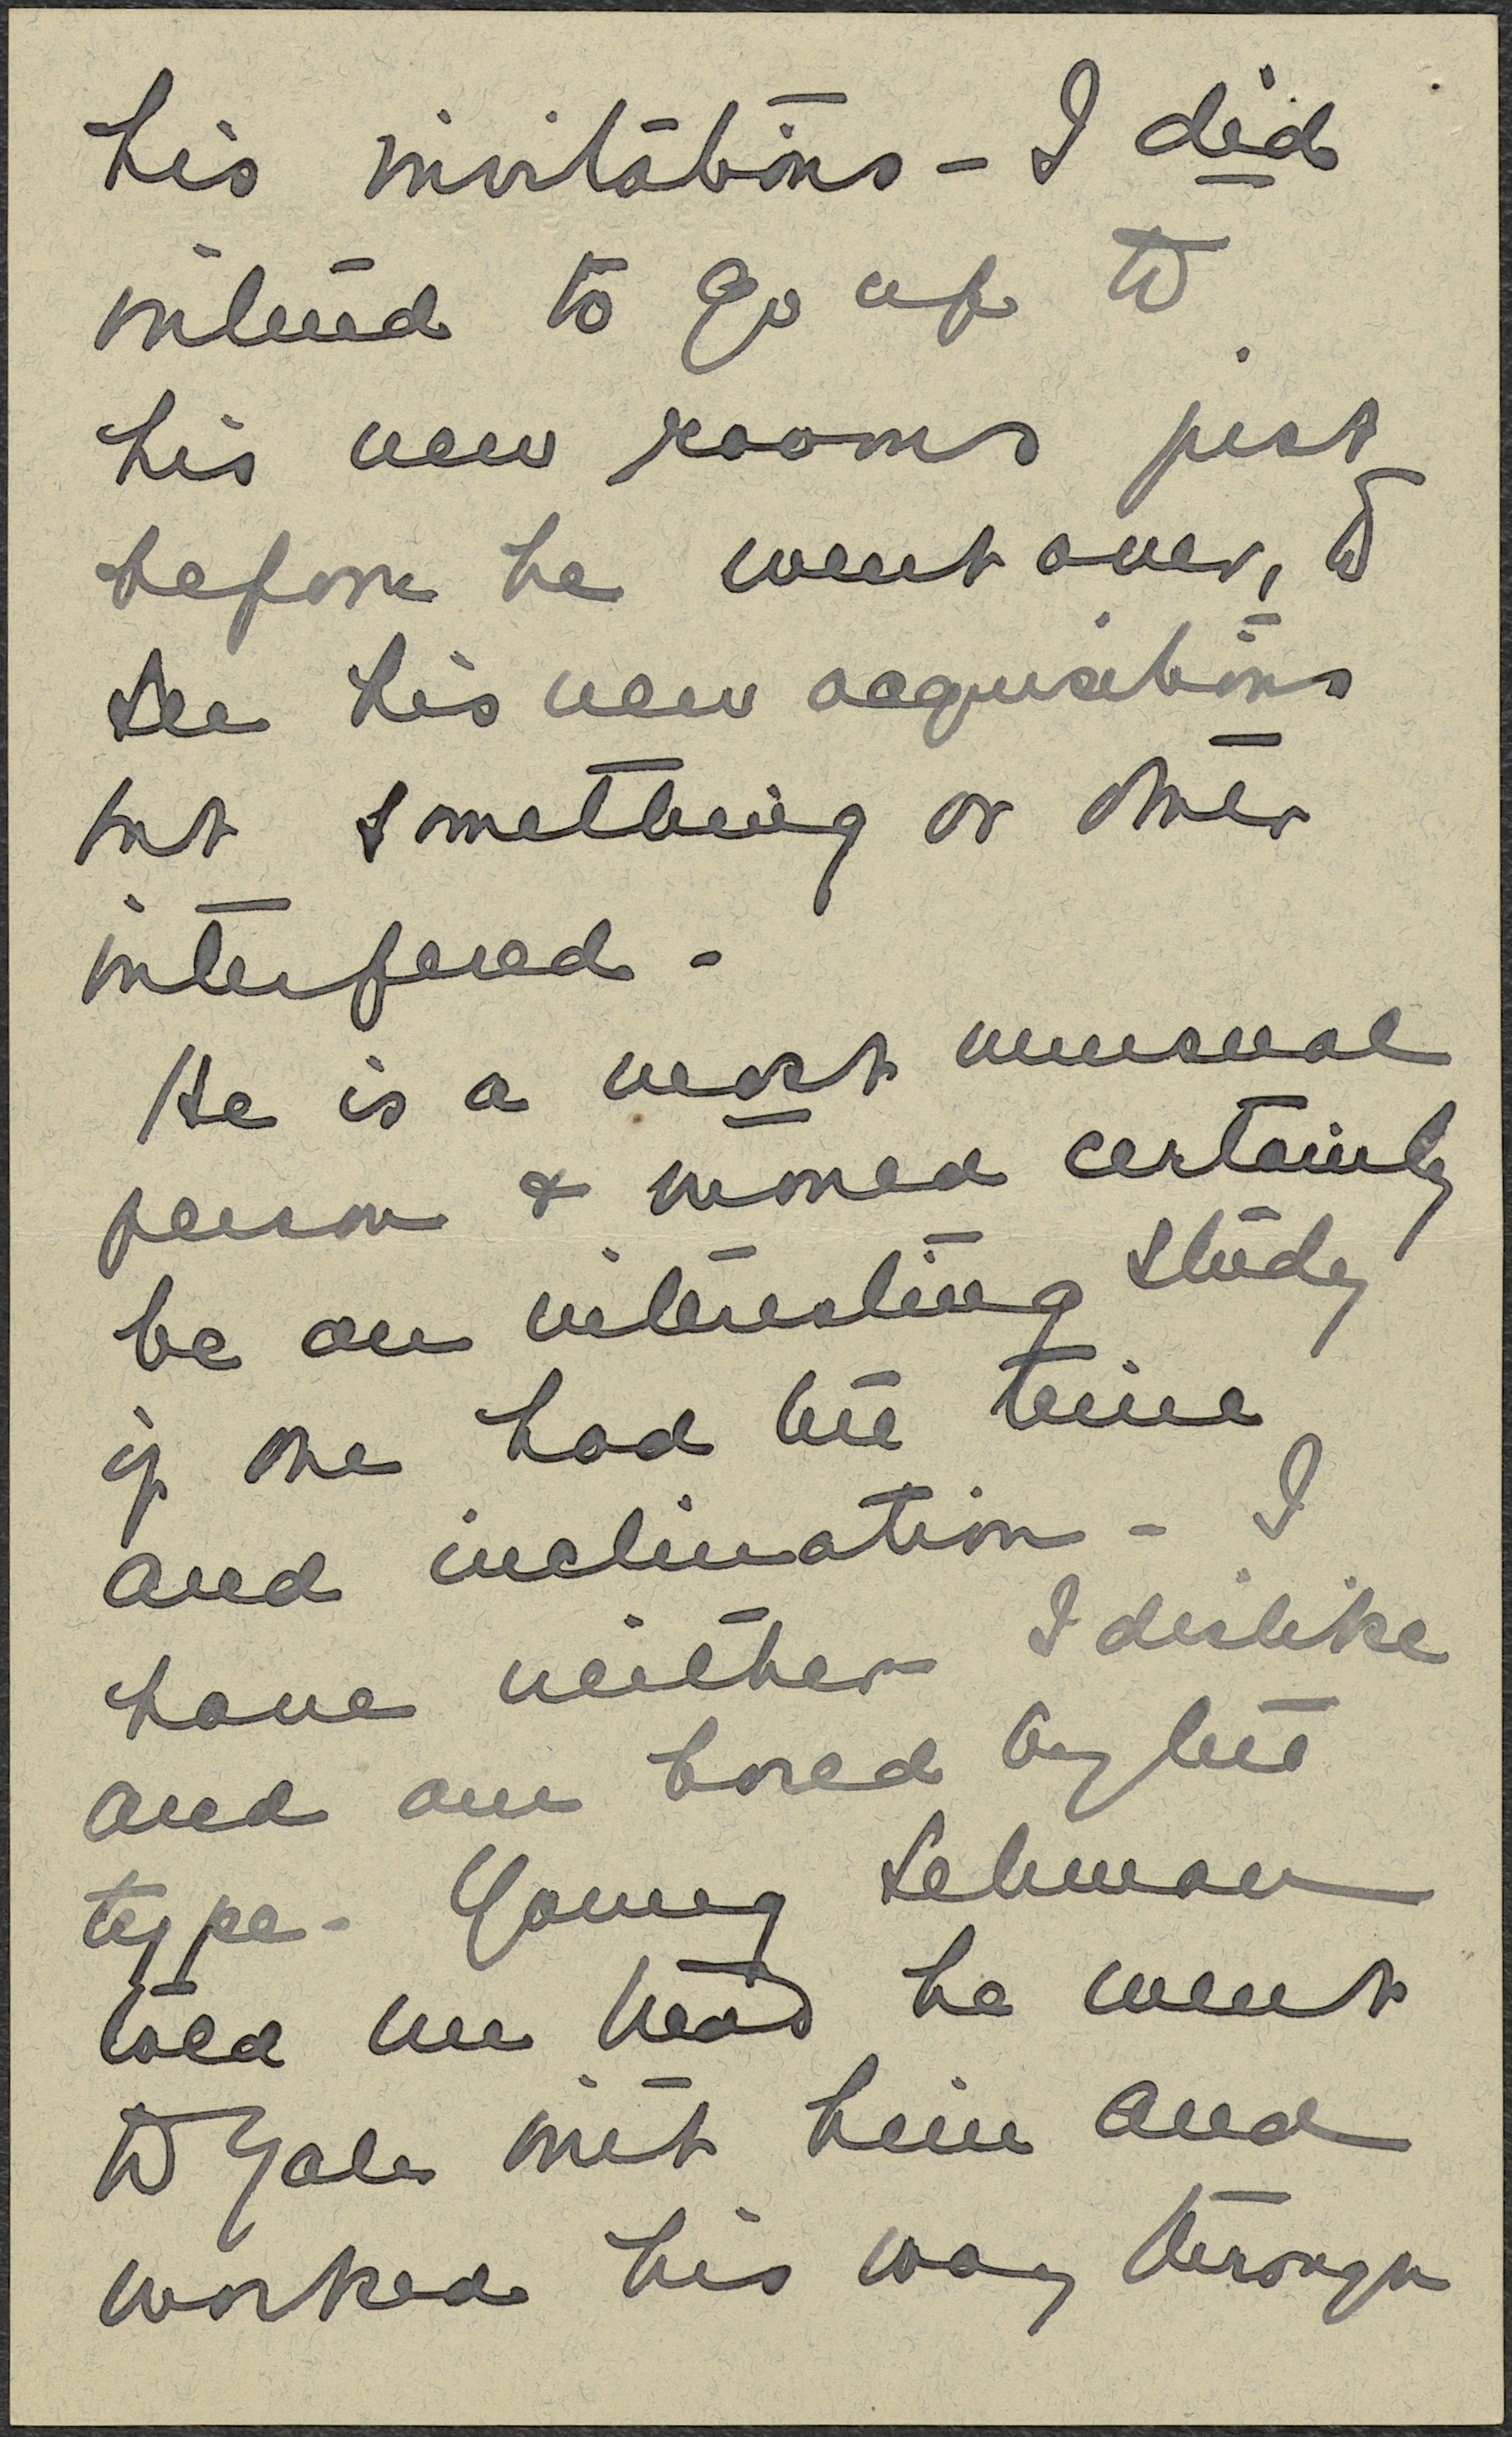his invitations – I did intend to go up to his new rooms just before he went over, to see his new acquisitions but something or other interfered.
He is a most unusual person & would certainly be an interesting study if one had the time and inclination – I have neither – I dislike and am bored by the type – Young Lehman told me that he went to Yale with him and worked his way through